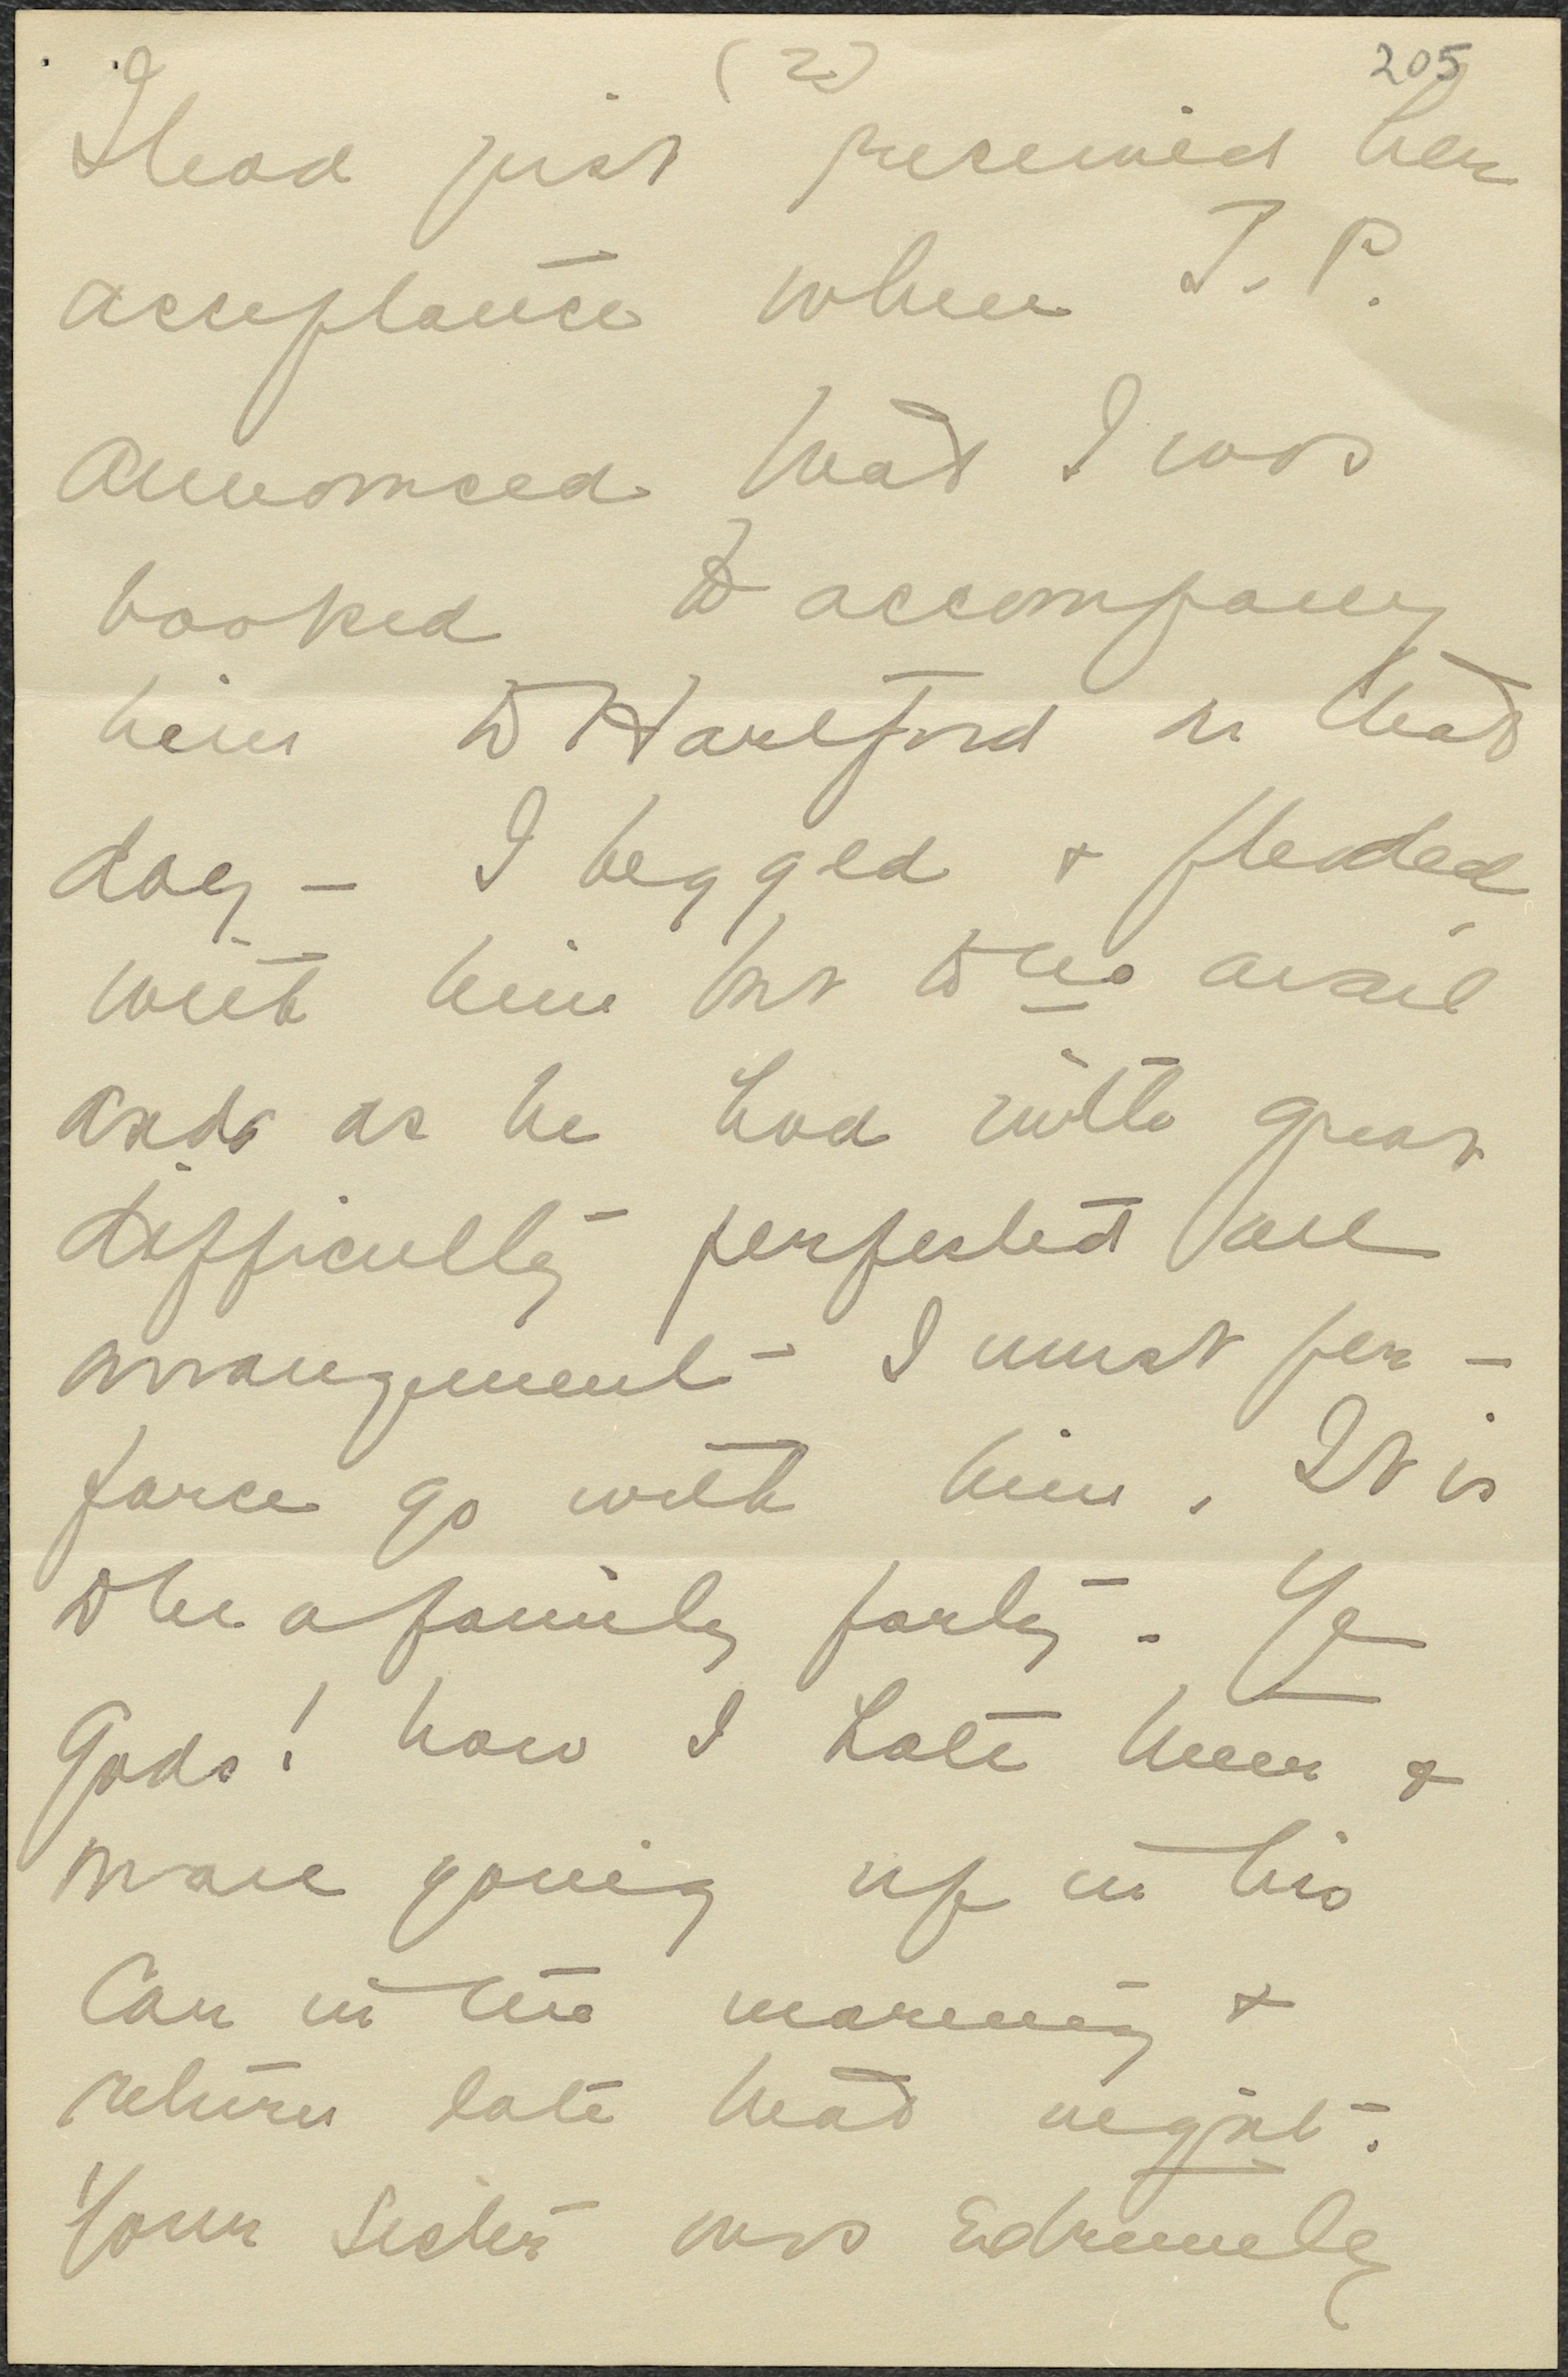(2)
I had just received her acceptance when J.P. announced that I was booked to accompany him to Hartford on that day – I begged & pleaded with him but to no avail and as he had with great difficulty perfected an arrangement I must perforce go with him. It is to be a family party. Ye Gods! how I hate them & more going up in his car in the morning & return late that night. Your sister was extremely